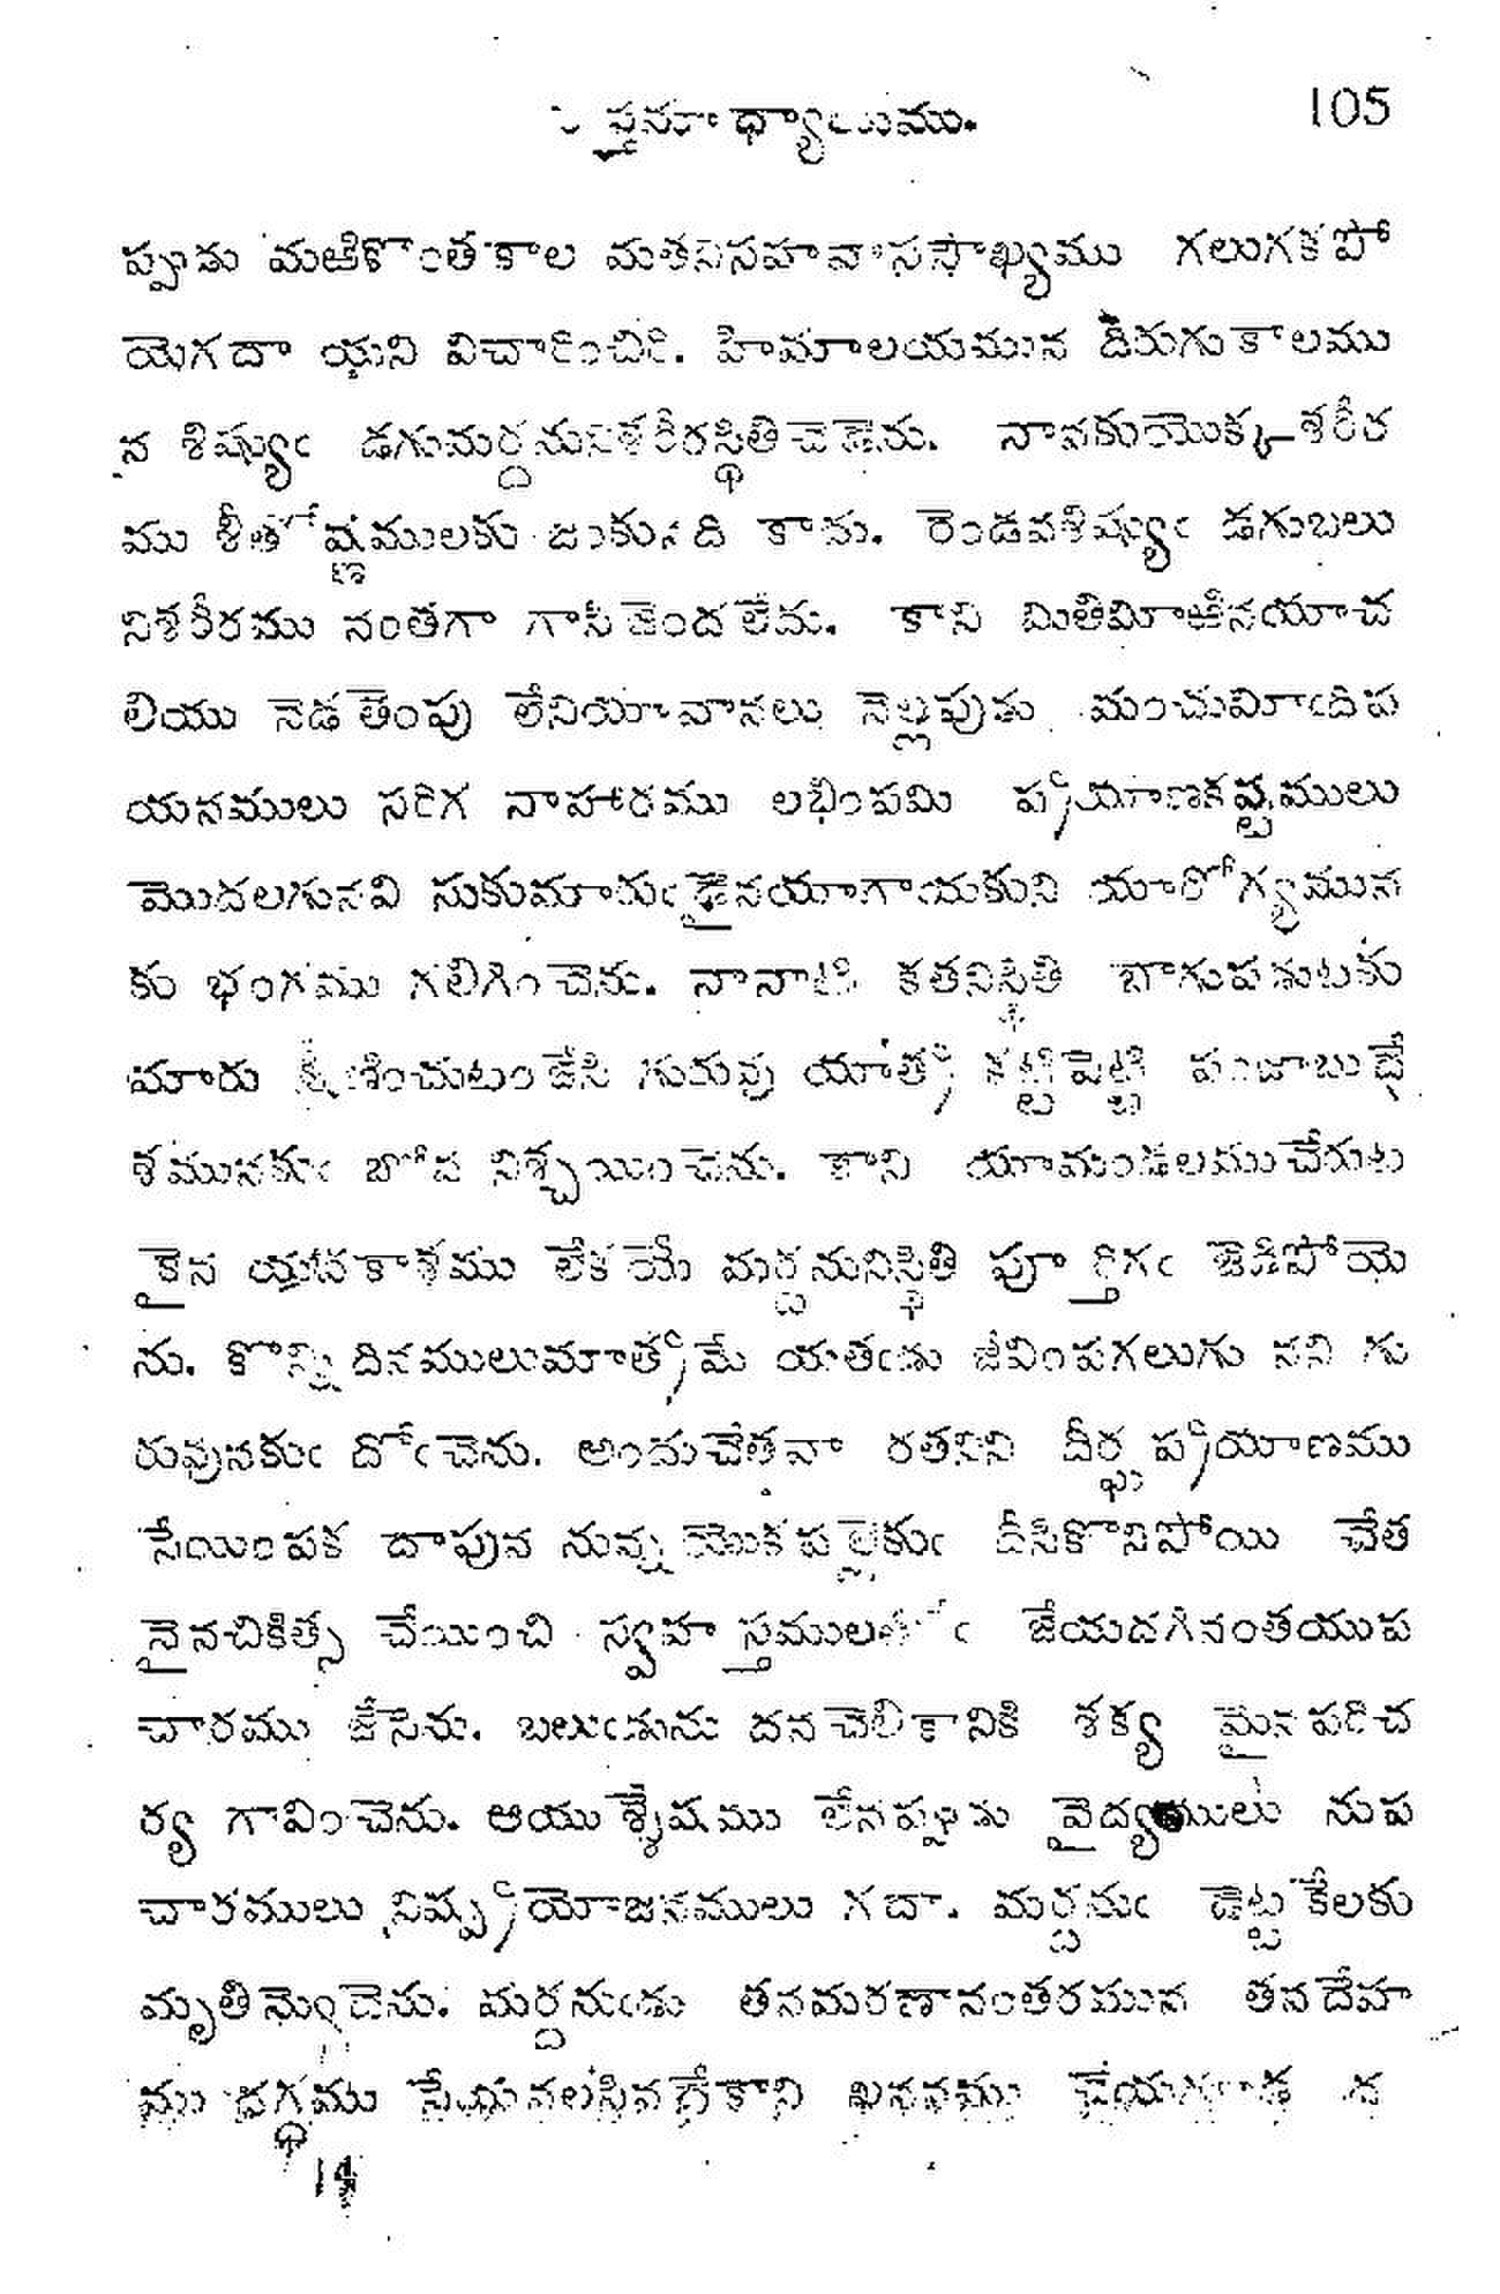ప్పుడు మఱికొంతకాల మతనిసహవాససౌఖ్యము గలుగకపోయెగదా యని విచారించిరి. హిమాలయమున దిరుగుకాలమున శిష్యు డగుమర్దనునిశరీరస్థితిచెడెను. నానకుయొక్క శరీరము శీతోష్ణములకు జంకునది కాదు. రెండవశిష్యు డగుబలునిశరీరము నంతగా గాసిజెందలేదు. కాని మితిమీఱినయాచలియు నెడతెంపు లేనియావానలు నెల్లపుడు మంచుమీదిపయనములు సరిగ నాహారము లభింపమి ప్రయాణకష్టములు మొదలగునవి సుకుమారుడైనయాగాయకుని యారోగ్యమునకు భంగము గలిగించెను. నానాటి కతనిస్థితి బాగుపడుటకు మారు క్షీణించుటంజేసి గురువు యాత్ర కట్టిపెట్టి పంజాబుదేశమునకు బోవ నిశ్చయించెను. కాని యామండలముచేరుటకైన యవకాశము లేకయే మర్దనునిస్థితి పూర్తిగ జెడిపోయెను. కొన్నిదినములుమాత్రమే యతడు జీవింపగలుగు నని గురువునకు దోచెను. అందుచేతవా రతనిని దీర్ఘప్రయాణము సేయింపక దాపున నున్న యొకపల్లెకు దీసికొనిపోయి చేతనైనచికిత్స చేయించి స్వహస్తములతో జేయదగినంతయుపచారము జేసెను. బలుడును దనచెలికానికి శక్య మైనపరిచర్య గావించెను. ఆయుశ్శేషము లేనప్పుడు వైద్యములు నుపచారములు నిష్ప్రయోజనములు గదా. మర్దను డెట్టకేలకు మృతినొందెను. మర్దనుడు తనమరణానంతరమున తనదేహము దగ్ధము సేయవలసినదేకాని ఖననము చేయగూడ ద